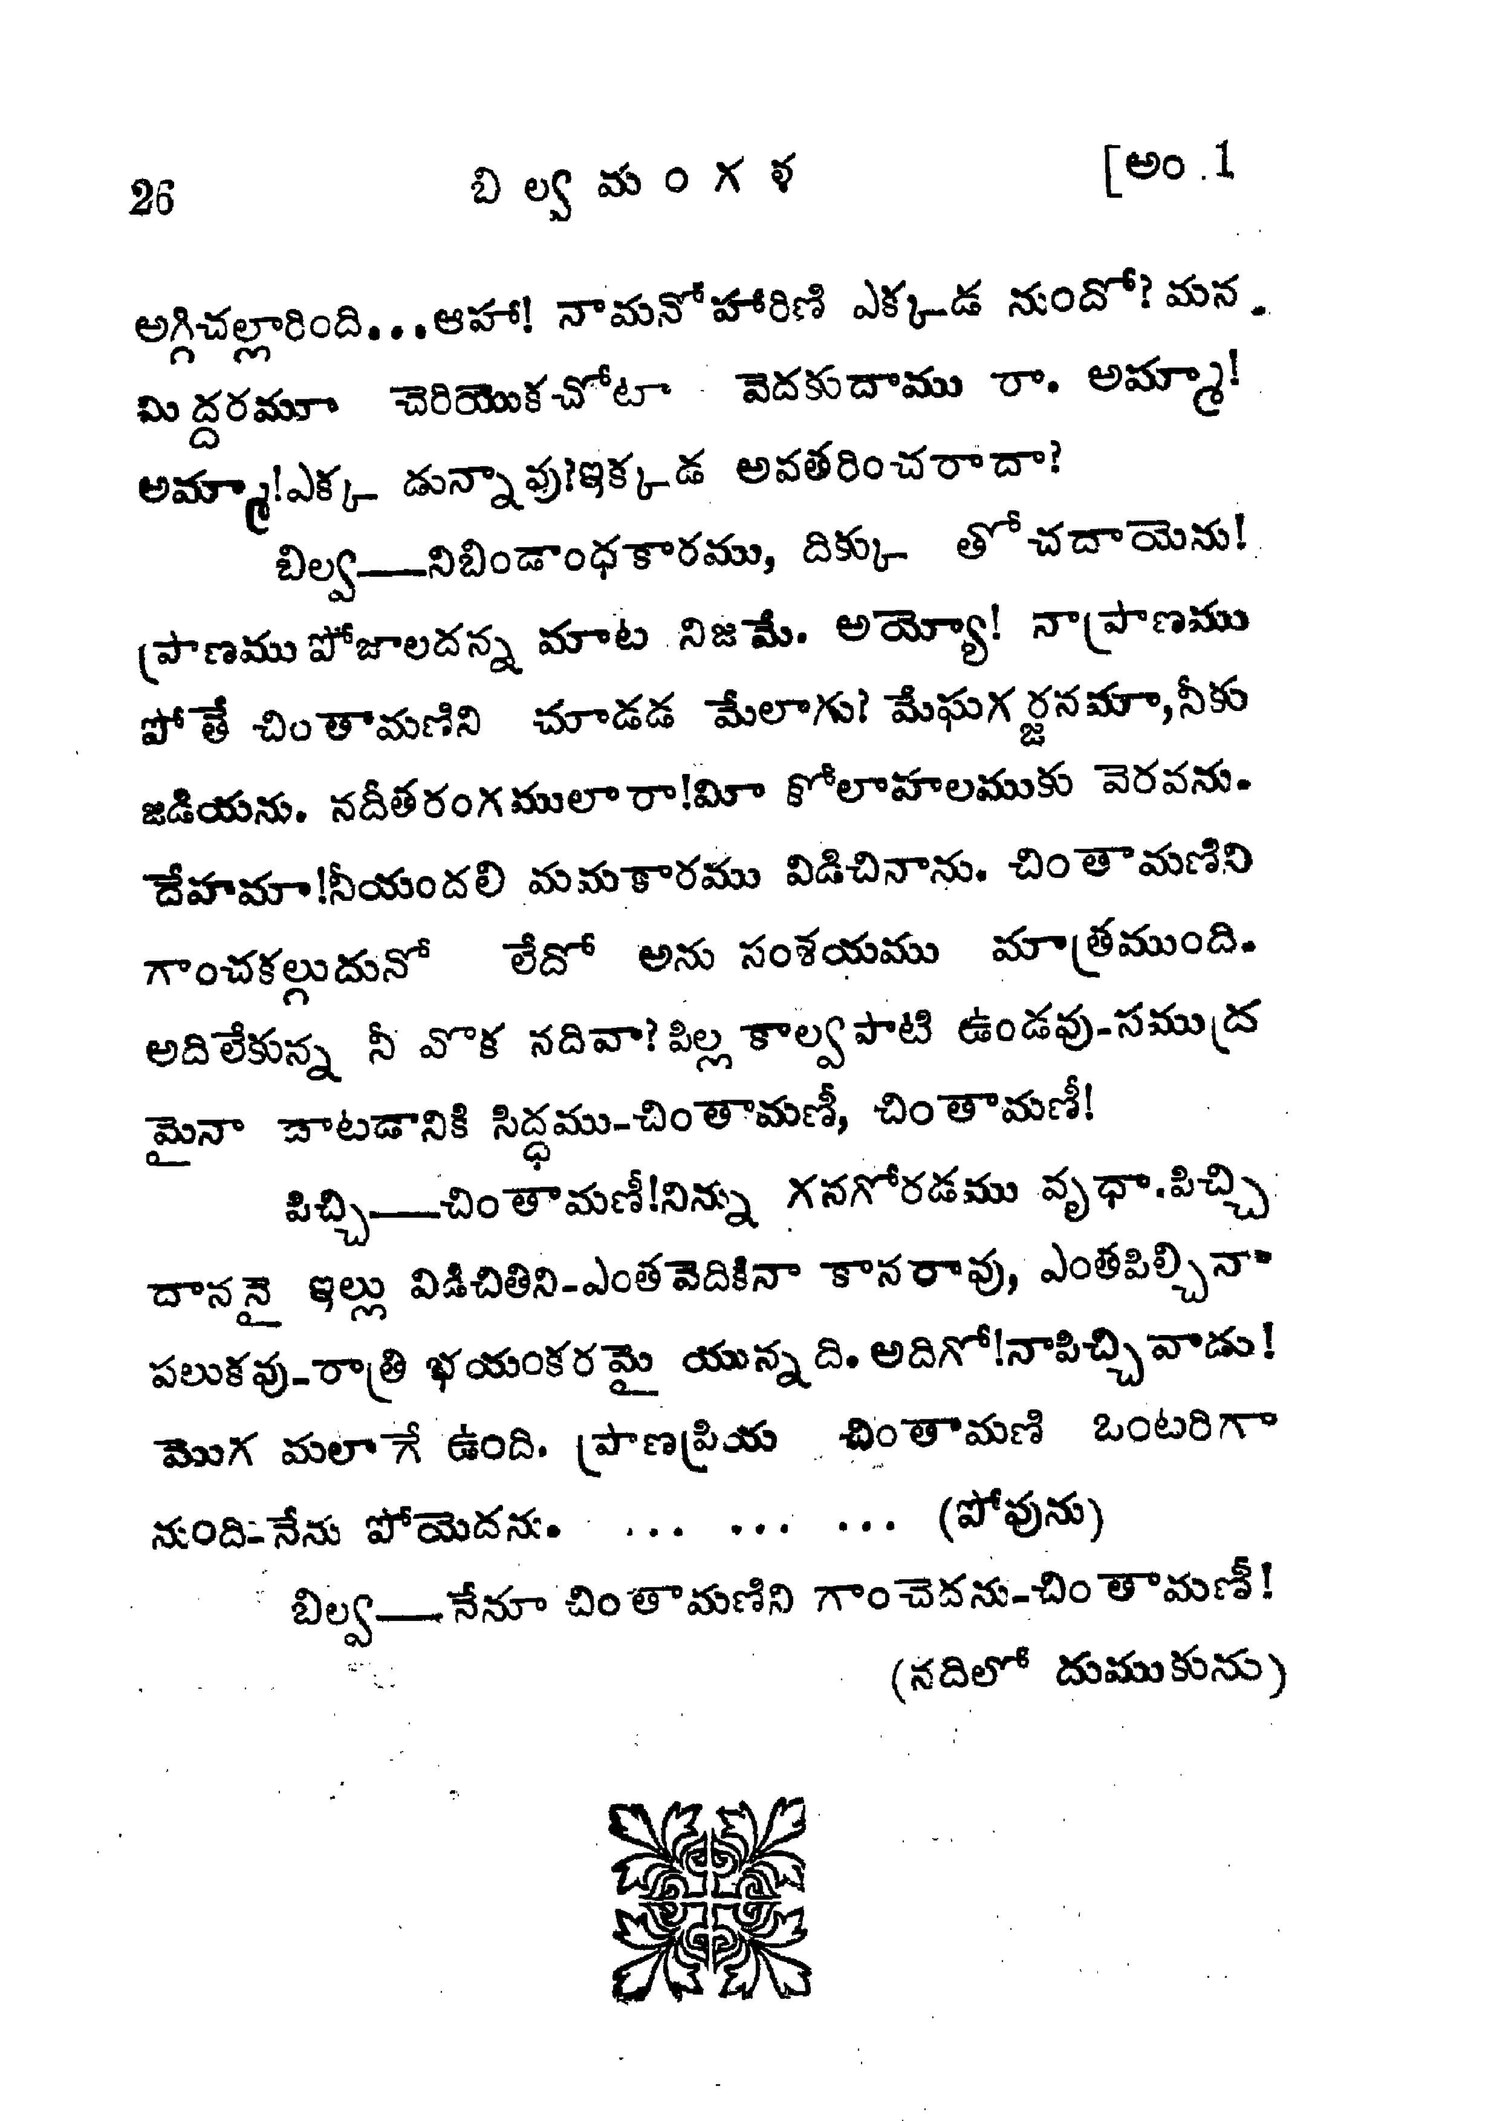అగ్గిచల్లారింది...ఆహా! నామనోహారిణి ఎక్కడ నుందో? మన మిద్దరమూ చెరియొకచోటా వెదకుదాము రా. అమ్మా! అమ్మా! ఎక్క డున్నావు? ఇక్కడ అవతరించరాదా?

బిల్వ - నిబిండాంధకారము, దిక్కు తోచదాయెను! ప్రాణము పోజాలదన్న మాట నిజమే. అయ్యో! నాప్రాణము పోతే చింతామణిని చూడడ మేలాగు? మేఘగర్జనమా, నీకు జడియను, నదీతరంగములారా! మీ కోలాహలముకు వెరవను. దేహమా! నీయందలి మమకారము విడిచినాను. చింతామణిని గాంచకల్గుదునో లేదో అను సంశయము మాత్రముంది. అదిలేకున్న నీ వొక నదివా? పిల్ల కాల్వపాటి ఉండవు - సముద్రమైనా దాటడానికి సిద్ధము - చింతామణీ, చింతామణీ!

పిచ్చి - చింతామణీ! నిన్ను గనగోరడము వృధా. పిచ్చి దాననై ఇల్లు విడిచితిని. ఎంతవెదికినా కానరావు, ఎంతపిల్చినా పలుకవు - రాత్రి భయంకరమై యున్నది. అదిగో! నాపిచ్చివాడు! మొగ మలాగే ఉంది. ప్రాణప్రియ చింతామణి ఒంటరిగా నుంది - నేను పోయెదను. .........(పోవును)

బిల్వ - నేనూ చింతామణిని గాంచెదను - చింతామణీ!